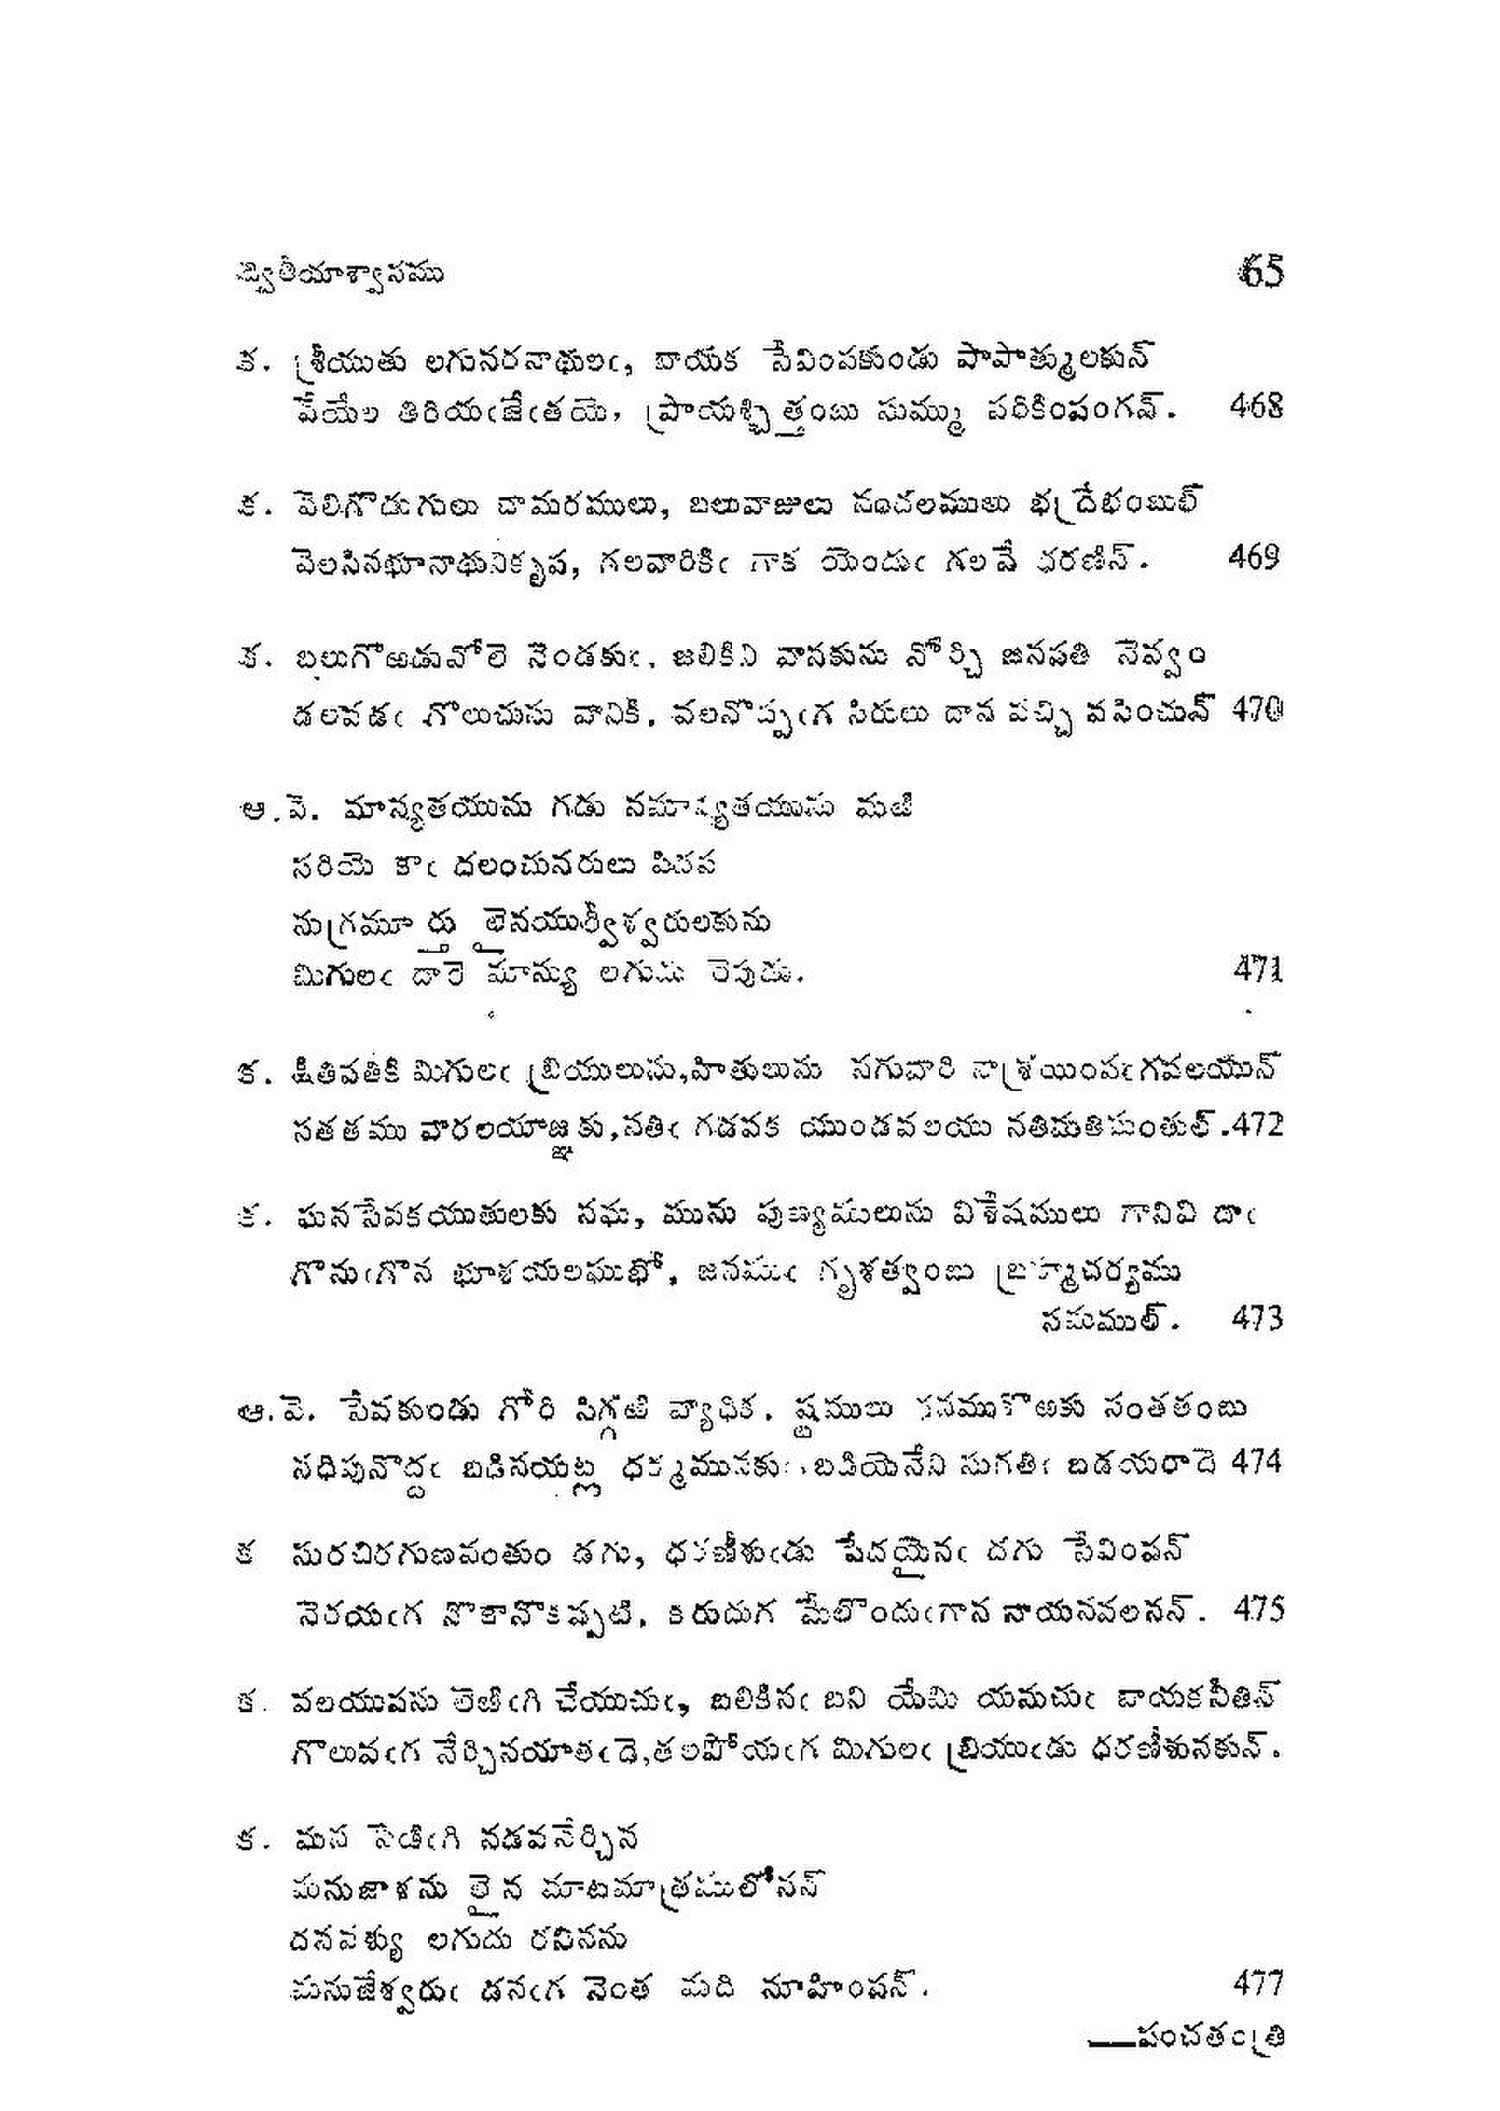క. శ్రీయుతు లగు నరనాథులఁ
బాయక సేవింపకుండు పాపాత్ములకున్
వేయేల తిరియఁజేఁతయె
ప్రాయశ్చిత్తంబు సుమ్ము పరికింపంగన్. 468

క. వెలిగొడుగులు చామరములు
బలువాజులు నందలములు భద్రేభంబుల్
వెలసిన భూనాథుని కృప
గలవారికిఁ గాక యెందుఁ గలవే ధరణిన్. 469

క. బలుగొఱడువోలె నెండకుఁ
జలికిని వానకును నోర్చి జనపతి నెవ్వం
డలవడఁ గొలుచును వానికి
వలనొప్పఁగ సిరులు దాన వచ్చి వసించున్. 470

ఆ. మాన్యతయును గడు నమాన్యతయును మఱి
సరియె కాఁ దలంచు నరులు పిదప
నుగ్రమూర్తు లైన యుర్వీశ్వరులకును
మిగులఁ దారె మాన్యు లగుదు రెపుడు. 471

క. క్షితిపతికి మిగులఁ బ్రియులును
హితులును నగువారి నాశ్రయింపఁగవలయున్
సతతము వారల యాజ్ఞకు
నతిఁ గడవక యుండవలయు నతిమతిమంతుల్. 472

క. ఘనసేవకయుతులకు నఘ
మును పుణ్యములును విశేషములు గానివి దాఁ
గొనుఁగొన భూశయలఘుభో
జనముఁ గృశత్వంబు బ్రహ్మచర్యము సమముల్. 473

ఆ. సేవకుండు గోరి సిగ్గఱి వ్యాధిక
ష్టములు ధనముకొఱకు సంతతంబు
నధిపు నొద్దఁ బడిన యట్ల ధర్మమునకుఁ
బడియెనేని సుగతిఁ బడయరాదె. 474

క. సురచిరగుణవంతుం డగు
ధరణీశుఁడు పేదయైనఁ దగు సేవింపన్
నెరయఁగ నొకానొకప్పటి
కరుదుగ మేలొందుఁగాన నాయనవలనన్. 475

క. వలయుపను లెఱిఁగి చేయుచుఁ
బలికినఁ బని యేమి యనుచుఁ బాయక నీతిన్
గొలువఁగ నేర్చిన యాతఁడె
తలపోయఁగ మిగులఁ బ్రియుఁడు ధరణీశునకున్. 476

క. మన సెఱిఁగి నడవనేర్చిన
మనుజశను లైన మాటమాత్రములోనన్
దనవశ్యు లగుదు రనినను
మనుజేశ్వరుఁ డనఁగ నెంత మది నూహింపన్. 477